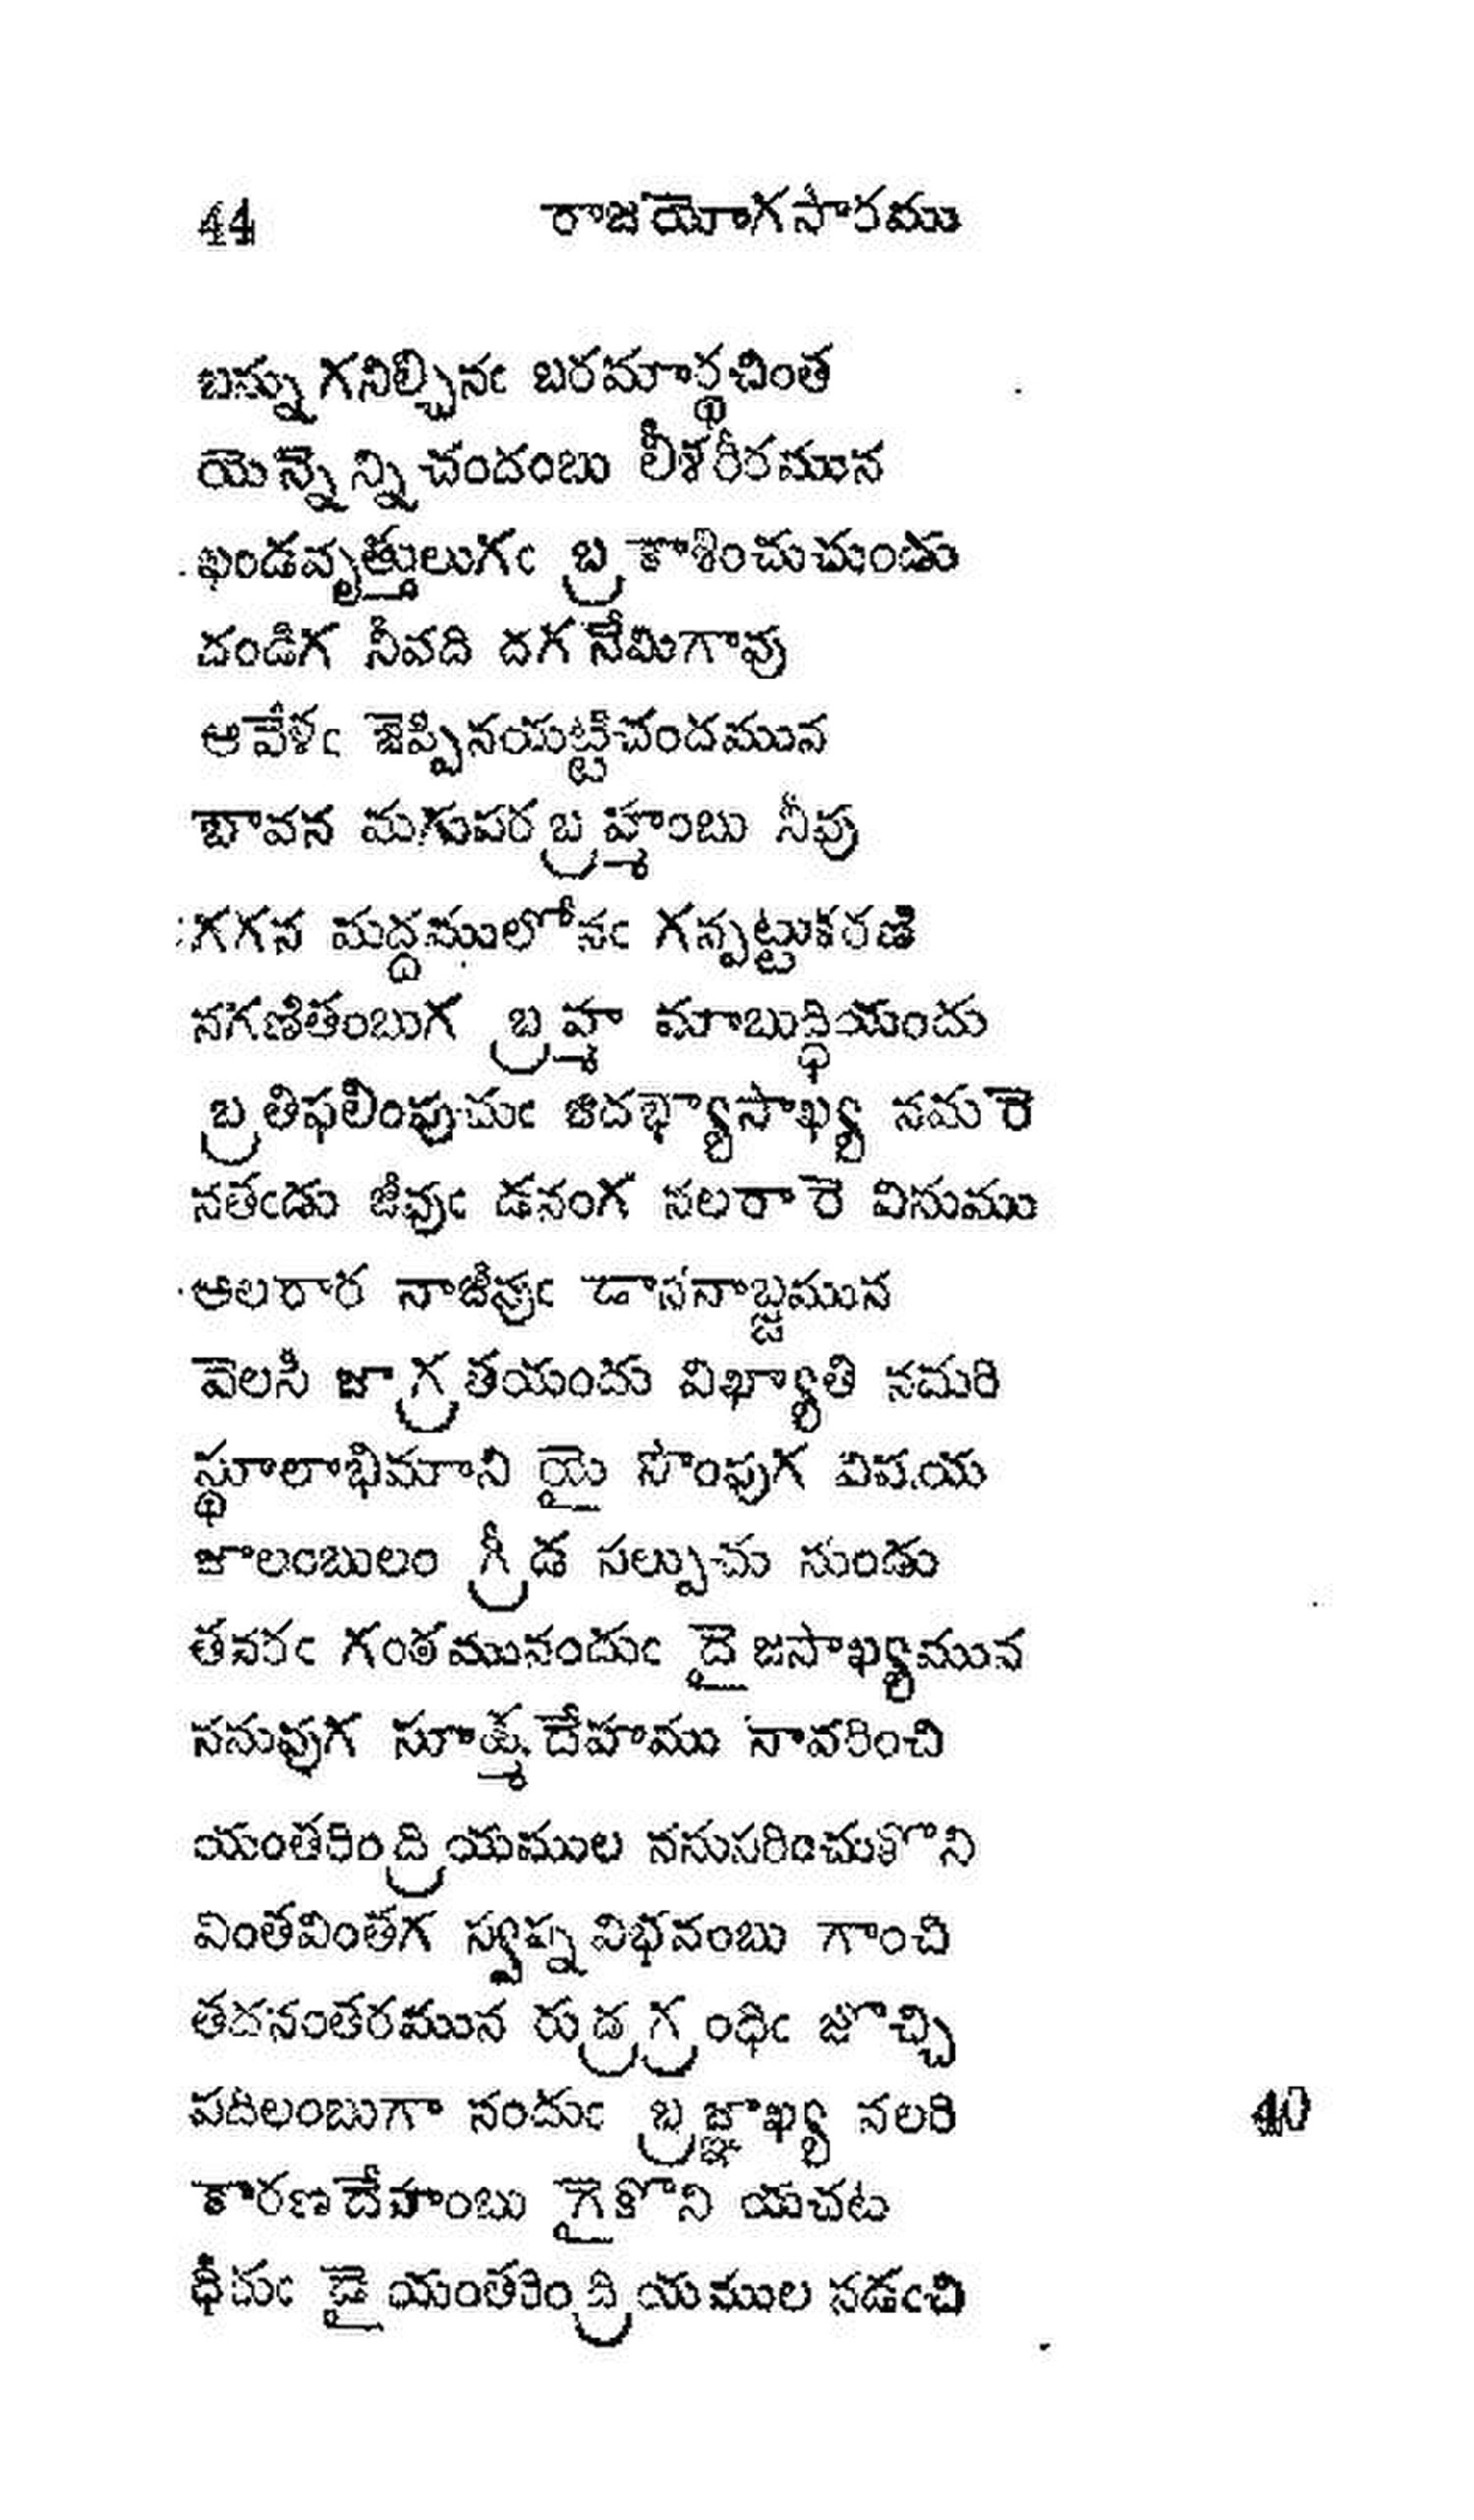బన్నుగనిల్చినఁ బరమార్థచింత
యెన్నెన్నిచందంబు లీశరీరమున
ఖండవృత్తులుగఁ బ్రకాశించుచుండు
దండిగ నీవది దగనేమిగావు
ఆవేళఁ జెప్పినయట్టిచందమున
బావన మగుపరబ్రహ్మంబు నీవు
గగన మద్దములోనఁ గన్పట్టుకరణి
నగణితంబుగ బ్రహ్మ మాబుద్ధియందు
బ్రతిఫలింపుచుఁ జిదభ్యాసాఖ్య నమరె
నతఁడు జీవుఁ డనంగ నలరారె వినుము
అలరార నాజీవుఁ డాననాబ్జమున
వెలసి జాగ్రతయందు విఖ్యాతి నమరి
స్థూలాభిమానియై సొంపుగ విషయ
జాలంబులం గ్రీడ సల్పుచు నుండు
తనరఁ గంఠమునందుఁ దైజసాఖ్యమున
ననువుగ సూక్ష్మదేహము నావరించి
యంతరింద్రియముల ననుసరించుకొని
వింతవింతగ స్వప్నవిభవంబు గాంచి
తదనంతరమున రుద్రగ్రంధిఁ జొచ్చి
పదిలంబుగా నందుఁ బ్రజ్ఞాఖ్య నలరి 
కారణదేహంబు గైకొని యచట
ధీరుఁడై యంతరింద్రియముల నడఁచి